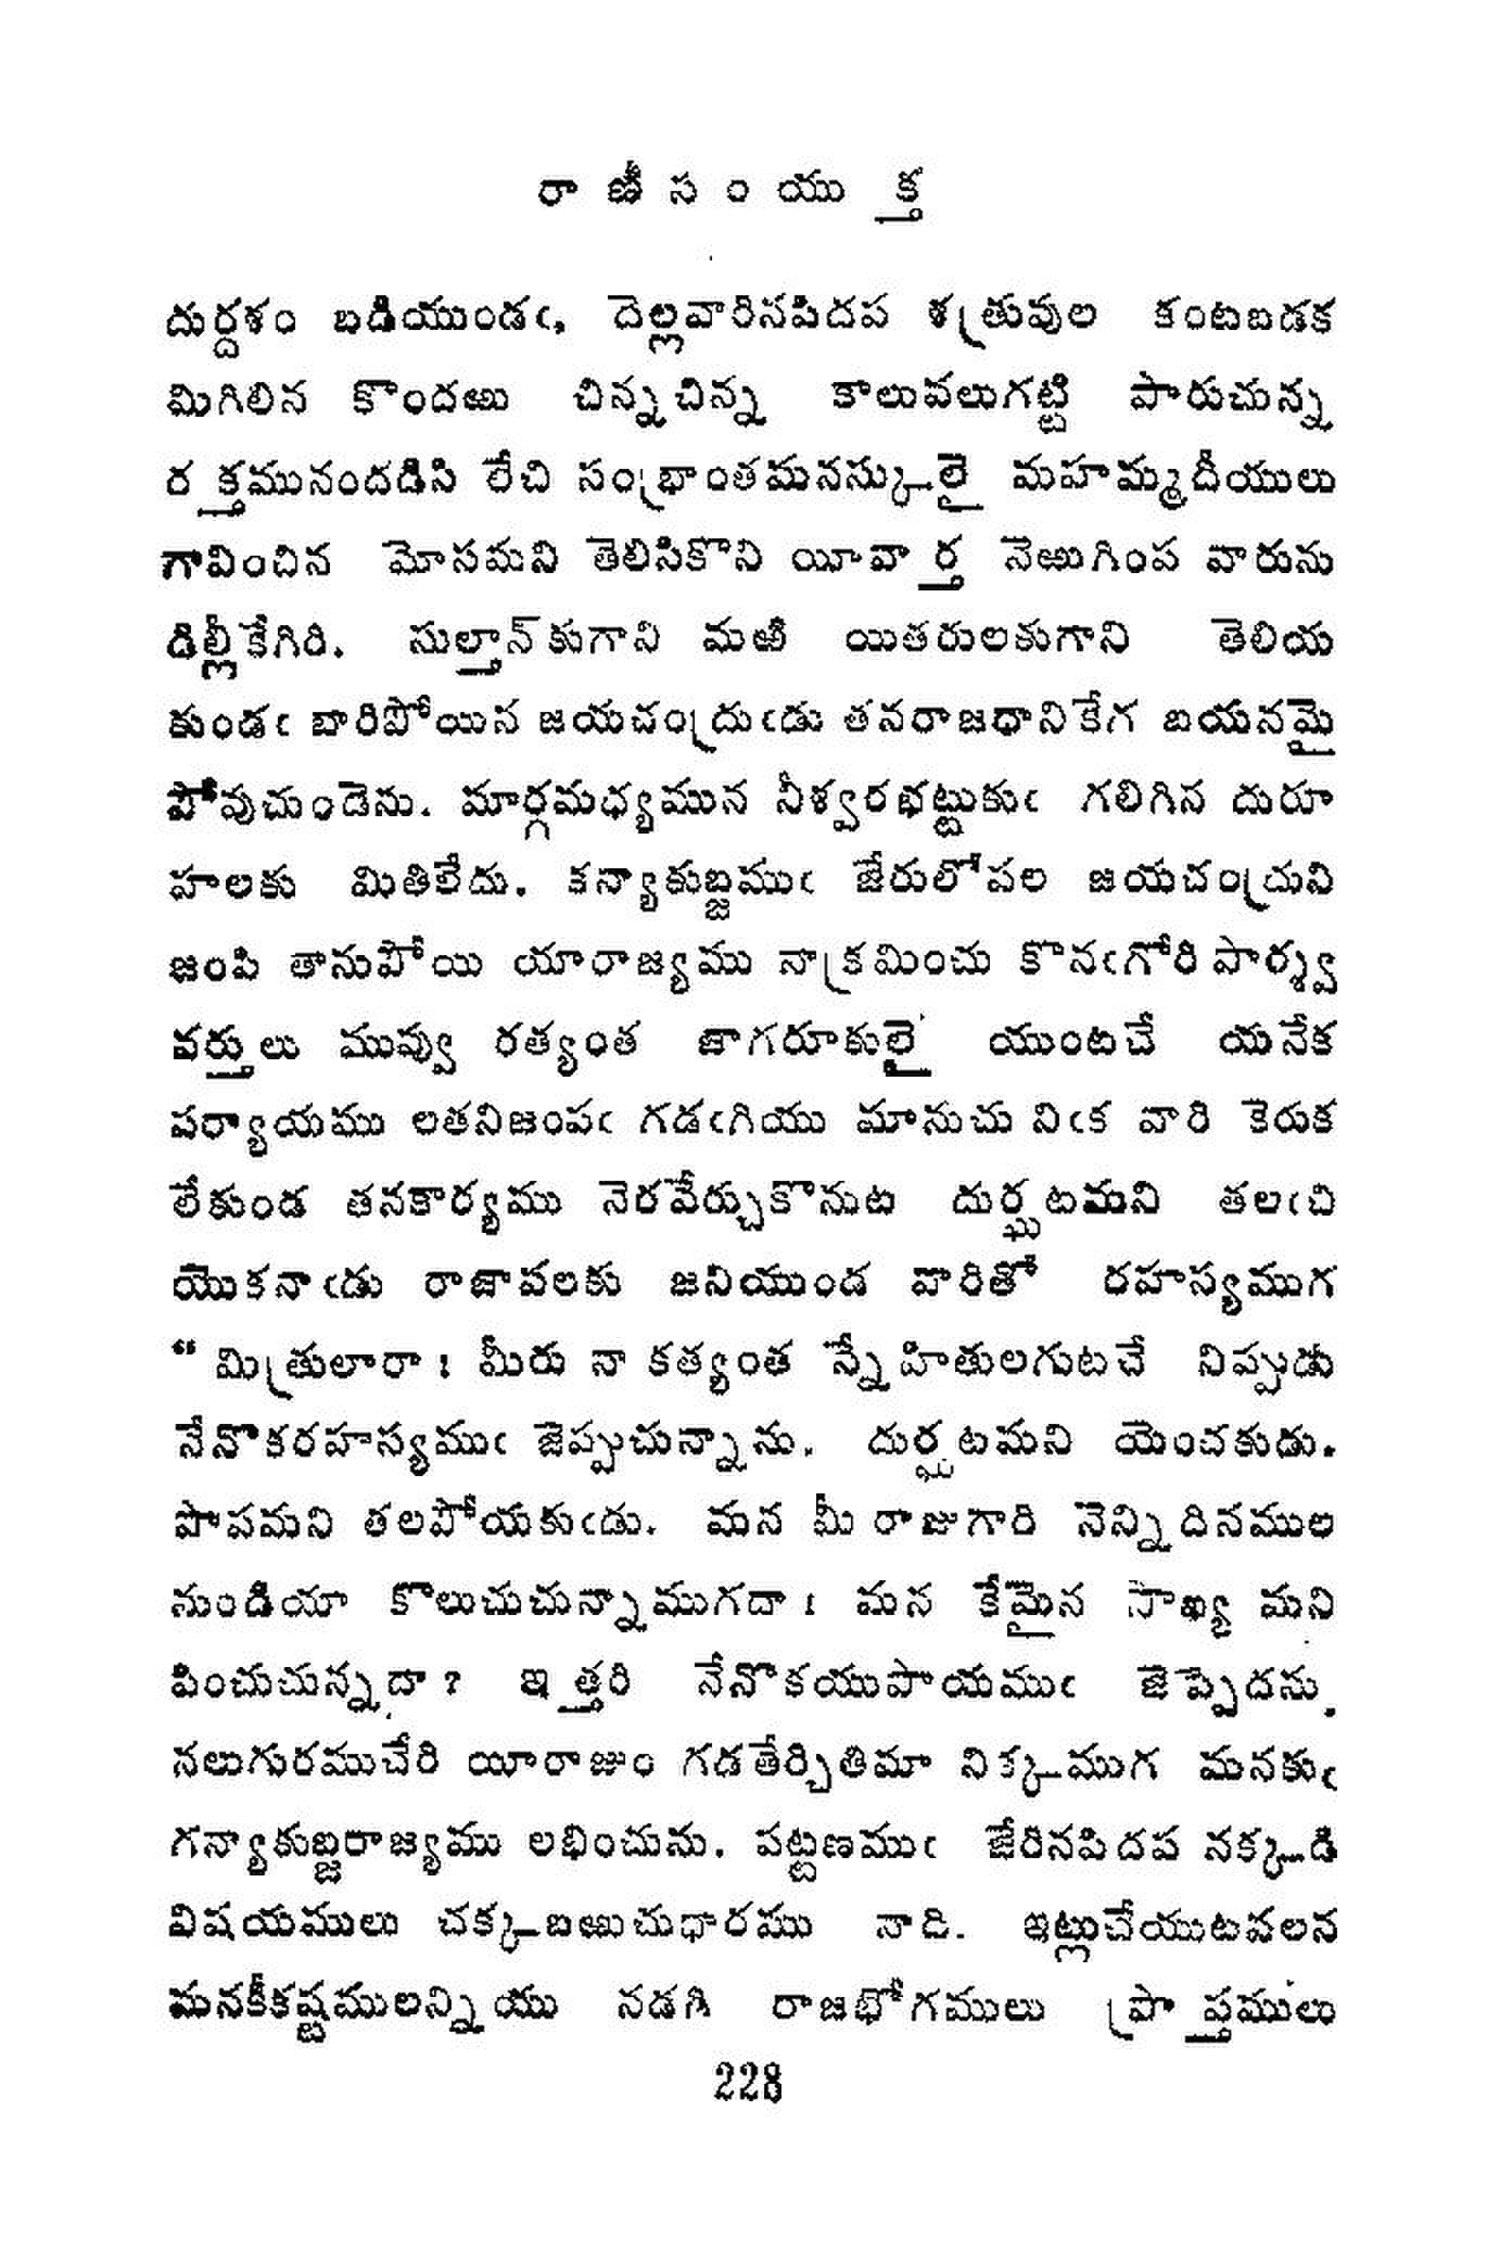దుర్దశం బడియుండఁ, దెల్లవారినపిదప శత్రువుల కంటబడక మిగిలిన కొందఱు చిన్నచిన్న కాలువలుగట్టి పారుచున్న రక్తమునందడిసి లేచి సంభ్రాంతమనస్కులై మహమ్మదీయులు గావించిన మోసమని తెలిసికొని యీవార్త నెఱుగింప వారును డిల్లీకేగిరి. సుల్తాన్‌కుగాని మఱి యితరులకుగాని తెలియకుండఁ బారిపోయిన జయచంద్రుఁడు తనరాజధానికేగ బయనమై పోవుచుండెను. మార్గమధ్యమున నీశ్వరభట్టుకుఁ గలిగిన దురూహలకు మితిలేదు. కన్యాకుబ్జముఁ జేరులోపల జయచంద్రుని జంపి తానుపోయి యారాజ్యము నాక్రమించు కొనఁగోరి పార్శ్వ వర్తులు మువ్వు రత్యంత జాగరూకులై యుంటచే యనేక పర్యాయము లతనిజంపఁ గడఁగియు మానుచు నిఁక వారి కెరుక లేకుండ తనకార్యము నెరవేర్చుకొనుట దుర్ఘటమని తలఁచి యొకనాఁడు రాజావలకు జనియుండ వారితో రహస్యముగ "మిత్రులారా ! మీరు నా కత్యంత స్నేహితులగుటచే నిప్పుడు నేనొకరహస్యముఁ జెప్పుచున్నాను. దుర్ఘటమని యెంచకుడు. పాపమని తలపోయకుఁడు. మన మీ రాజుగారి నెన్నిదినముల నుండియా కొలుచుచున్నాముగదా ! మన కేమైన సౌఖ్య మనిపించుచున్నదా ? ఇత్తరి నేనొకయుపాయముఁ జెప్పెదను. నలుగురముచేరి యీరాజుం గడతేర్చితిమా నిక్కముగ మనకుఁ గన్యాకుబ్జరాజ్యము లభించును. పట్టణముఁ జేరినపిదప నక్కడి విషయములు చక్కబఱుచుభారము నాది. ఇట్లుచేయుటవలన మనకీకష్టములన్నియు నడిగి రాజభోగములు ప్రాప్తములు